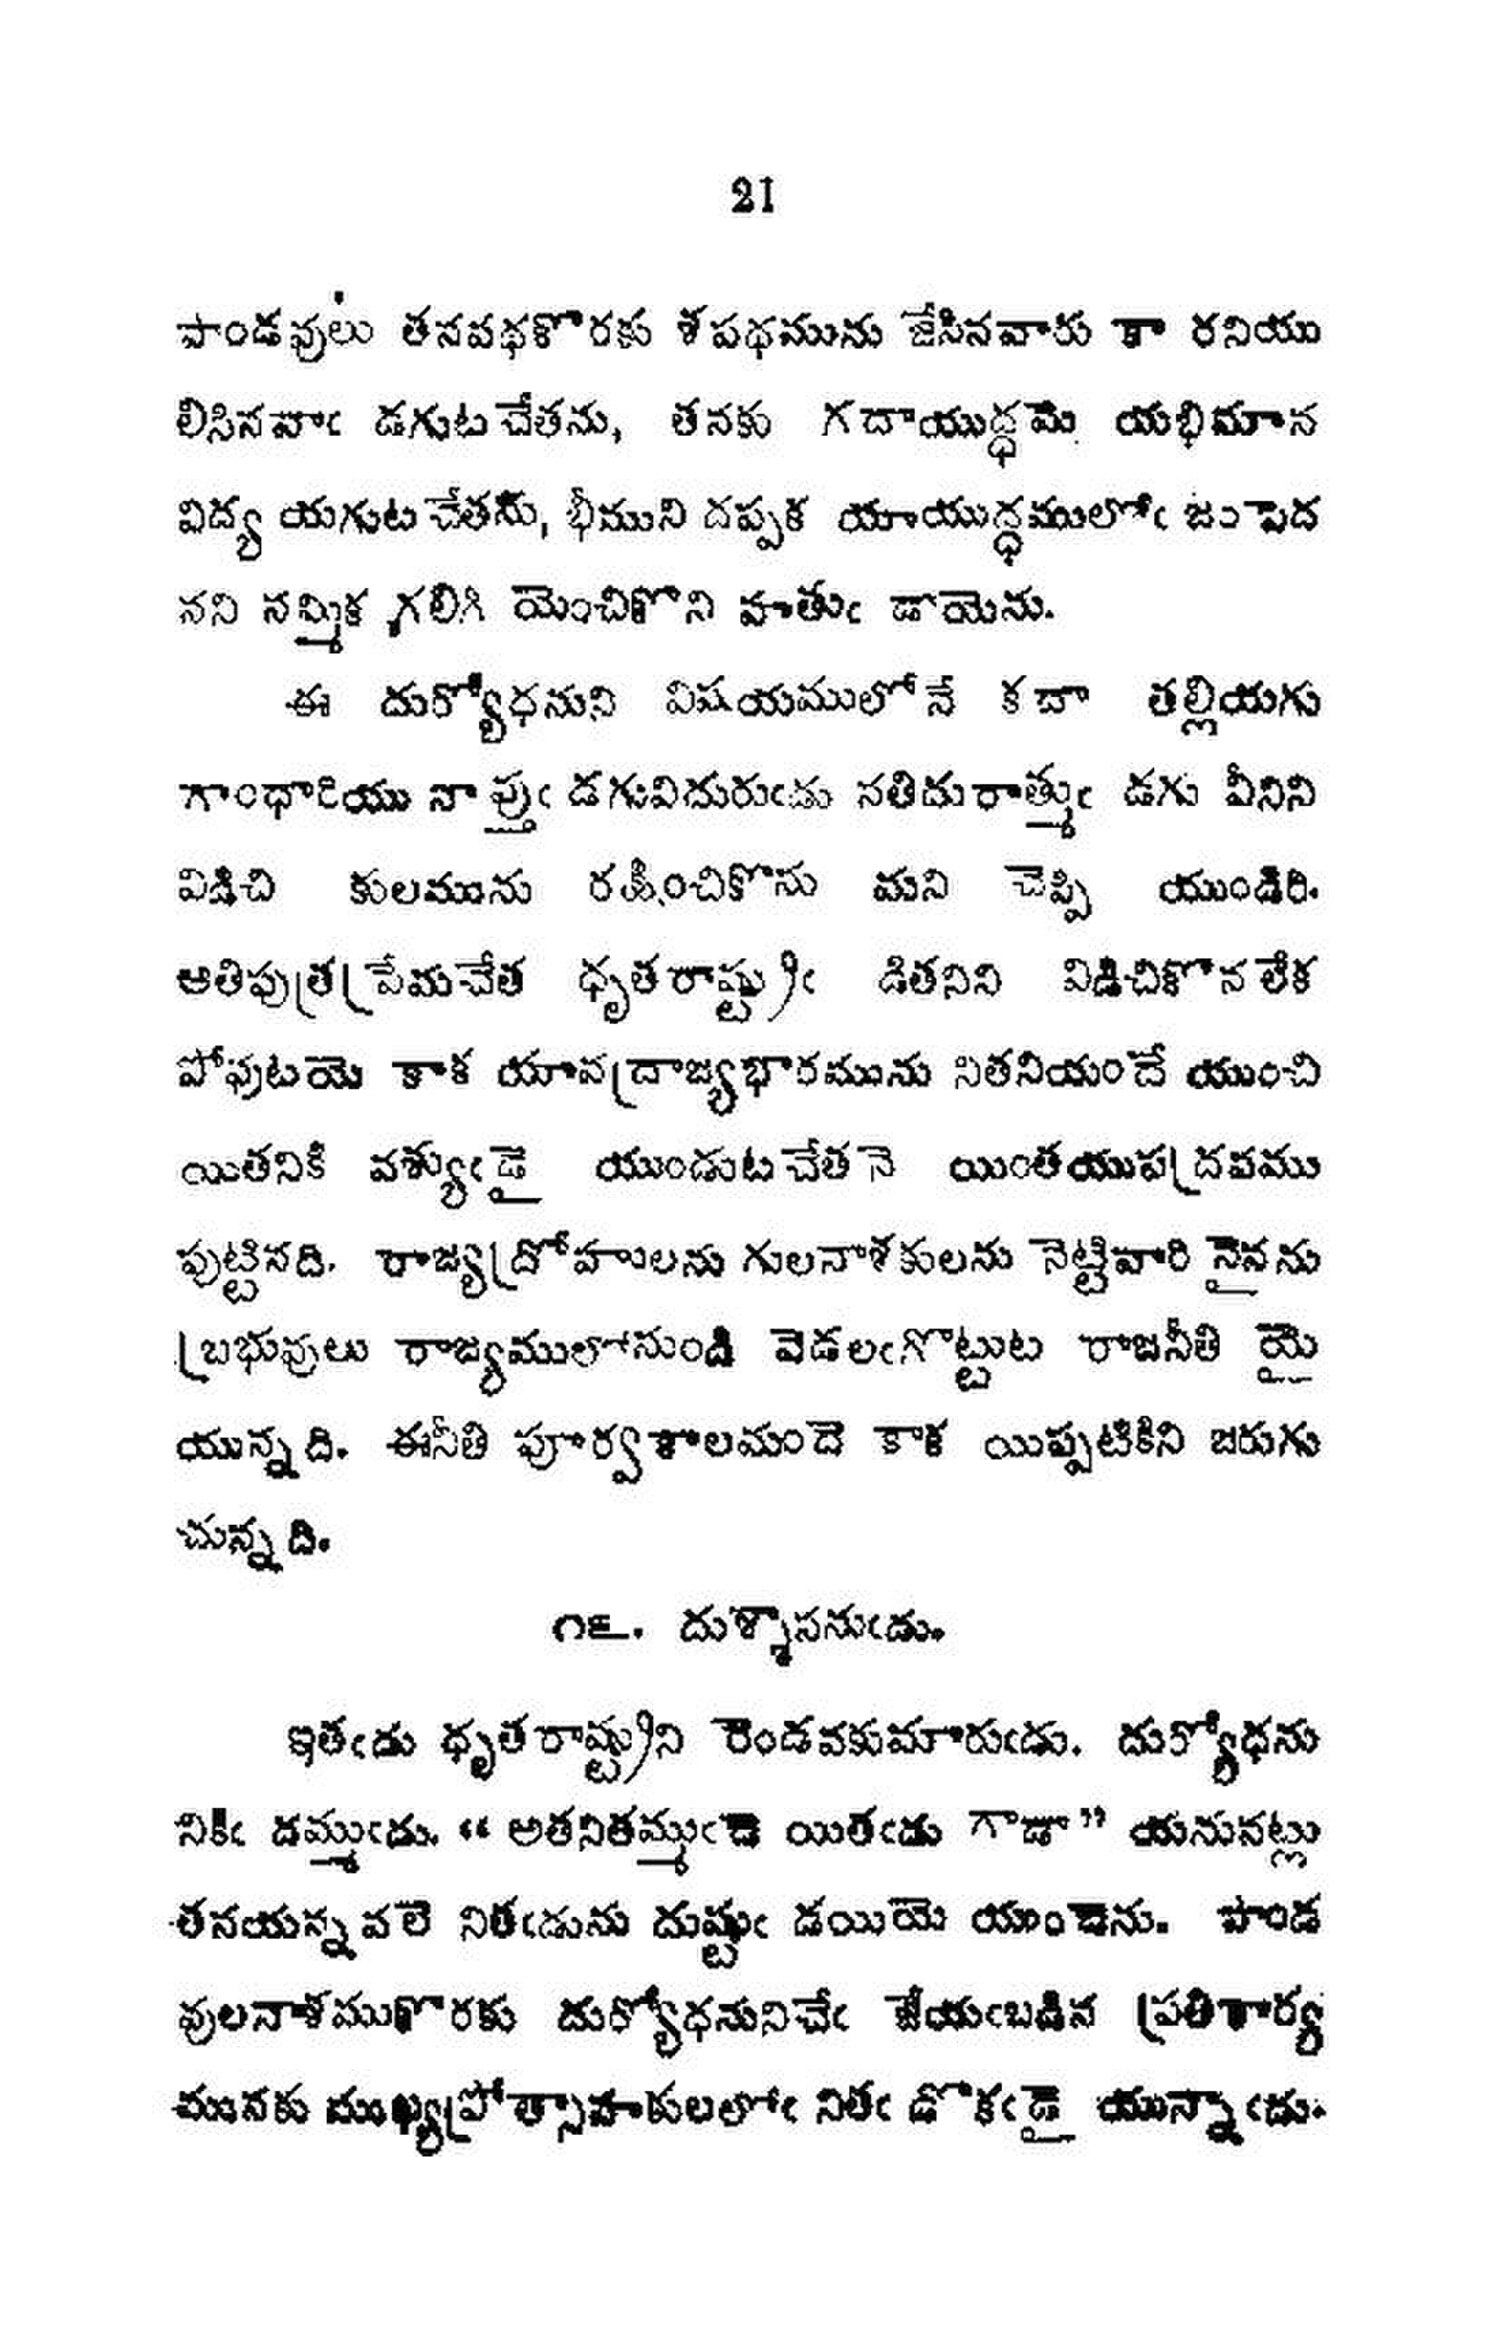పాండవులు తనవథకొరకు శపథమును జేసినవారు కా రనియు లిసినవాఁ డగుటచేతను, తనకు గదాయుద్ధమె యభిమాన విద్య యగుటచేతను, భీముని దప్పక యాయుద్ధములోఁ జంపెద నని నమ్మిక గలిగి యెంచికొని హతుఁ డాయెను.

ఈ దుర్యోధనుని విషయములోనే కదా తల్లియగు గాంధారియు నాప్తుఁ డగువిదురుఁడు నతిదురాత్ముఁ డగు వీనిని విడిచి కులమును రక్షించికొను మని చెప్పి యుండిరి. అతిపుత్రప్రేమచేత ధృతరాష్ట్రుఁ డితనిని విడిచికొనలేక పోవుటయే కాక యావద్రాజ్యభారమును నితనియందే యుంచి
యితనికి వశ్యుఁడై యుండుటచేతనె యింతయుపద్రవము పుట్టినది. రాజ్యద్రోహులను గులనాశకులను నెట్టివారి నైనను బ్రభువులు రాజ్యములోనుండి వెడలఁగొట్టుట రాజనీతి యై యున్నది. ఈనీతి పూర్వకాలమందె కాక యిప్పటికిని జరుగు చున్నది.

ఇతఁడు ధృతరాష్ట్రుని రెండవకుమారుఁడు. దుర్యోధనునికిఁ దమ్ముఁడు. “అతనితమ్ముఁడె యితఁడు గాడా " యనునట్లు తనయన్నవలె నితఁడును దుష్టుఁ డయియె యుండెను. పాండవులనాశము కొరకు దుర్యోధనునిచేఁ జేయఁబడిన ప్రతికార్యమునకు ముఖ్యప్రోత్సాహకులలో నితఁడొకఁడై యున్నాడు.